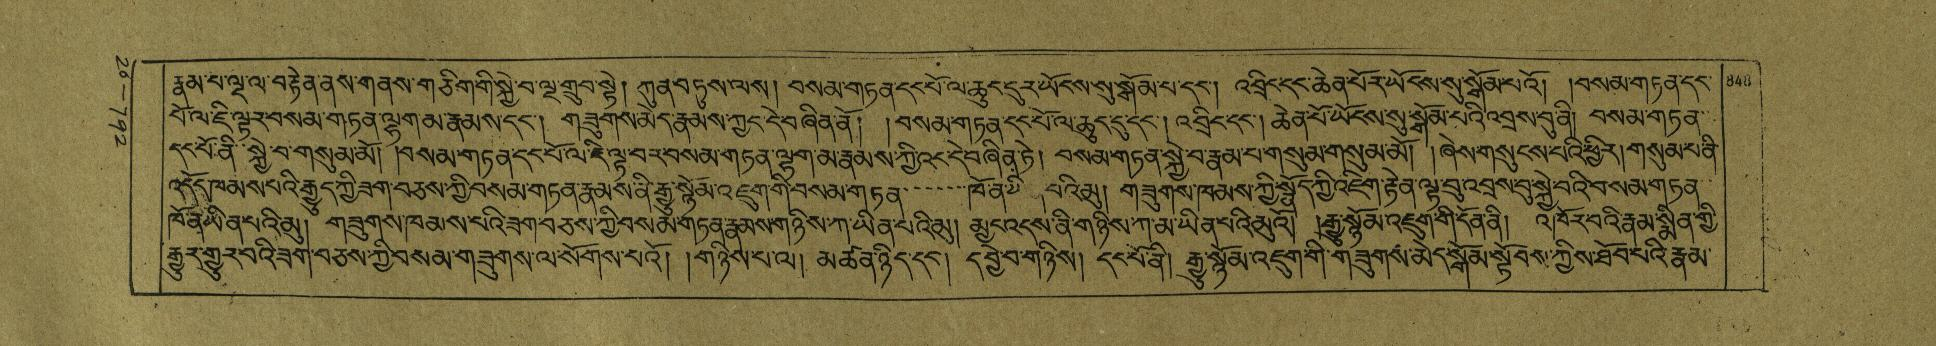རྣམ་པ་ལྔ་ལ་བརྟེན་ནས་གནས་གཅིག་གི་སྐྱེ་བ་ལྔ་གྲུབ་སྟེ། ཀུན་བཏུས་ལས། བསམ་གཏན་དང་པོ་ལ་ཆུང་དུར་ཡོངས་སུ་སྒོམ་པ་དང་། འབྲིང་དང་ཆེན་པོར་ཡོངས་སུ་སྒོམ་པའོ། །བསམ་གཏན་དང་
པོ་ལ་ཇི་ལྟར་བསམ་གཏན་ལྷག་མ་རྣམས་དང་། གཟུགས་མེད་རྣམས་ཀྱང་དེ་བཞིན་ནོ། །བསམ་གཏན་དང་པོ་ལ་ཆུང་དུ་དང་། འབྲིང་དང་། ཆེན་པོ་ཡོངས་སུ་སྒོམ་པའི་འབྲས་བུ་ནི། བསམ་གཏན་
དང་པོ་ནི་སྐྱེ་བ་གསུམ་མོ། །བསམ་གཏན་དང་པོ་ལ་ཇི་ལྟ་བར་བསམ་གཏན་ལྷག་མ་རྣམས་ཀྱིའང་དེ་བཞིན་ཏེ། བསམ་གཏན་སྐྱེ་བ་རྣམ་པ་གསུམ་གསུམ་མོ། །ཞེས་གསུངས་པའི་ཕྱིར། གསུམ་པ་ནི་
འདོད་ཁམས་པའི་རྒྱུད་ཀྱི་ཟག་བཅས་ཀྱི་བསམ་གཏན་རྣམས་ནི་རྒྱུ་སྙོམ་འཇུག་གི་བསམ་གཏན་ཁོ་ན་ཡིན་པའི་མུ། གཟུགས་ཁམས་ཀྱི་སྣོད་ཀྱི་འཇིག་རྟེན་ལྟ་བུ་འབྲས་བུ་སྐྱེ་བའི་བསམ་གཏན་
ཁོ་ན་ཡིན་པའི་མུ། གཟུགས་ཁམས་པའི་ཟག་བཅས་ཀྱི་བསམ་གཏན་རྣམས་གཉིས་ཀ་ཡིན་པའི་མུ། མྱང་འདས་ནི་གཉིས་ཀ་མ་ཡིན་པའི་མུའོ། །རྒྱུ་སྙོམས་འཇུག་གི་དོན་ནི། འཁོར་བའི་རྣམ་སྨིན་གྱི་
རྒྱུར་གྱུར་བའི་ཟག་བཅས་ཀྱི་བསམ་གཟུགས་ལ་སོགས་པའོ། །གཉིས་པ་ལ། མཚན་ཉིད་དང་། དབྱེ་བ་གཉིས། དང་པོ་ནི། རྒྱུ་སྙོམ་འཇུག་གི་གཟུགས་མེད་སྒོམ་སྟོབས་ཀྱིས་ཐོབ་པའི་རྣམ་